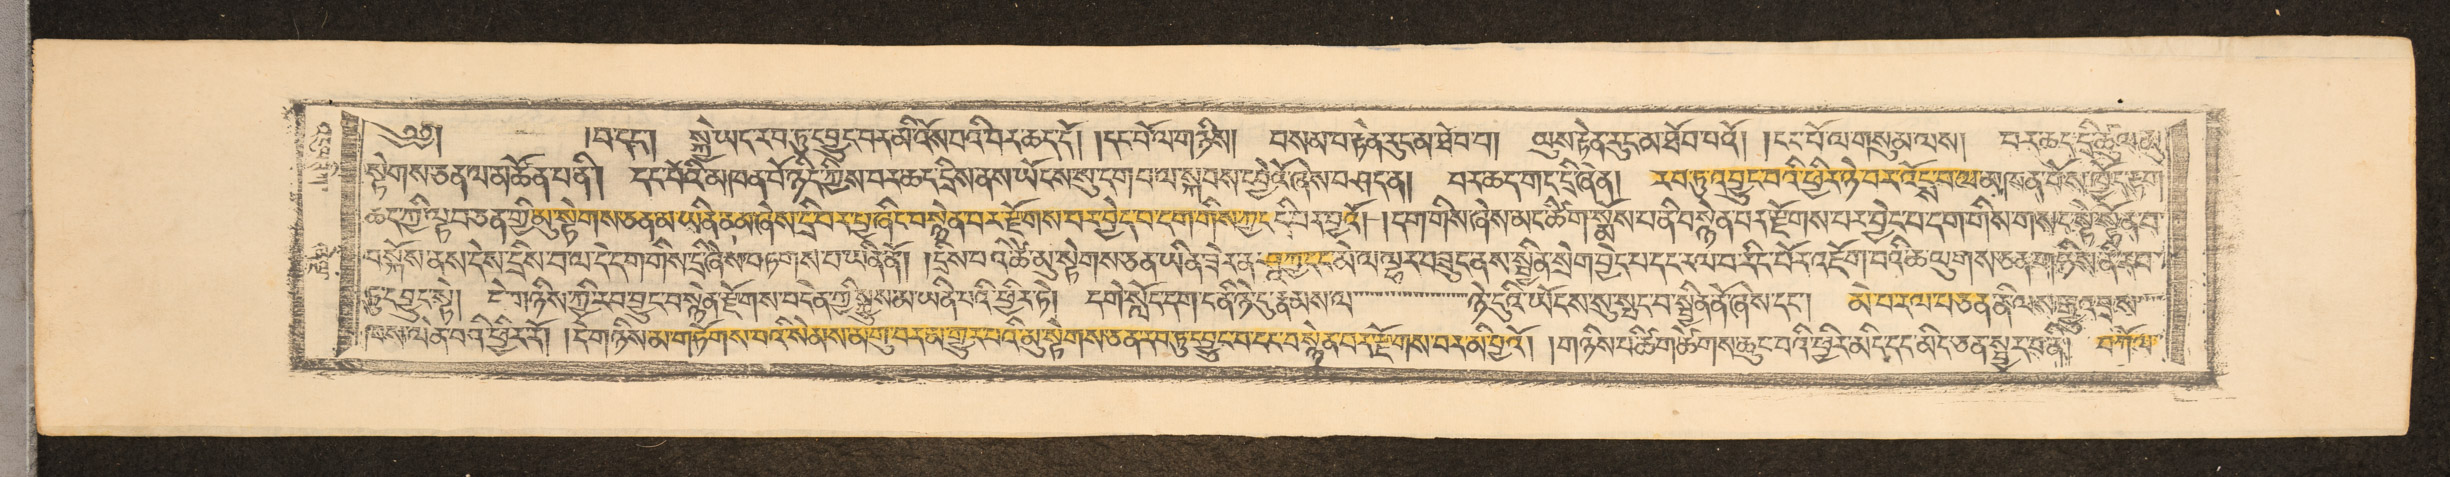༄༅། །བ་དང་། སྐྱེ་ཡང་རབ་ཏུ་དབྱུང་བར་མི་འོས་པའི་བར་ཆད་དོ། །དང་པོ་ལ་གཉིས། བསམ་པ་རྟེན་རུང་མ་ཐོབ་པ། ལུས་རྟེན་རུང་མ་ཐོབ་པའོ། །དང་པོ་ལ་གསུམ་ལས། བར་ཆད་དྲི་ཚུལ་མུ་
སྟེགས་ཅན་ལ་མཚོན་པ་ནི། དང་པོའི་མཁན་པོ་ཉིད་ཀྱིས་བར་ཆད་དྲིས་ནས་ཡོངས་སུ་དག་པ་ལ་སྐབས་དབྱེའོ་ཞེས་བཤད་ན། བར་ཆད་གང་དྲི་ཞེན། རབ་ཏུ་འབྱུང་བའི་ཕྱིར་ཉེ་བར་འོངས་བ་ལ་མཁན་པོས་ཁྱོད་རྟག་
ཆད་ཀྱི་ལྟ་བ་ཅན་གྱི་མུ་སྟེགས་ཅན་མ་ཡིན་ནམ་ཞེས་དྲི་པར་བྱ་ཞིང་བསྙེན་པར་རྫོགས་པར་བྱེད་པ་དག་གིས་ཀྱང་དྲི་བར་བྱའོ། །དག་གིས་ཞེས་མང་ཚིག་སྨོས་པ་ནི་བསྙེན་པར་རྫོགས་པར་བྱེད་པ་དག་གིས་གསང་སྟེ་སྟོན་པ་
བསྐོས་ནས་དེས་དྲིས་པ་ལ་དེ་དག་གིས་དྲི་ཞེས་བཏགས་པ་ཡིན་ནོ། །དྲིས་པའི་ཆོ་མུ་སྟེགས་ཅན་ཡིན་ཟེར་ན་ཤཱཀྱ་དང་མེ་ལ་ལྷར་བཟུང་ནས་སྦྱིན་སྲེག་བྱེད་པ་དང་རལ་བ་རིང་པོར་འཇོག་པའི་ཆ་ལུགས་ཅན་གཉིས་ནི་རབ་
ཏུ་དབྱུང་སྟེ། དེ་གཉིས་ཀྱི་རབ་བྱུང་བསྙེན་རྫོགས་བདེན་གྱི་སྐྱུས་མ་ཡིན་པའི་ཕྱིར་ཏེ། དགེ་སློང་དག་ང་ནི་ཉེ་དུ་རྣམས་ལ་ཉེ་དུའི་ཡོངས་སུ་སྤང་བ་སྦྱིན་ནོ་ཞེས་དང་། མེ་པ་རལ་པ་ཅན་ནི་ལས་རྒྱུ་འབྲས་
ཁས་ལེན་པའི་ཕྱིར་རོ། །དེ་གཉིས་མ་གཏོགས་པའི་སེམས་མགུ་བར་མ་གྱུར་པའི་མུ་སྟེགས་ཅན་རབ་ཏུ་དབྱུང་བ་དང་བསྙེན་པར་རྫོགས་པས་མི་བྱའོ། །གཉིས་པ་ཚིག་ཚེགས་ཆུང་བའི་ཕྱིར་མིང་དང་མིང་ཅན་སྦྱར་བ་ནི། བཀོལ་